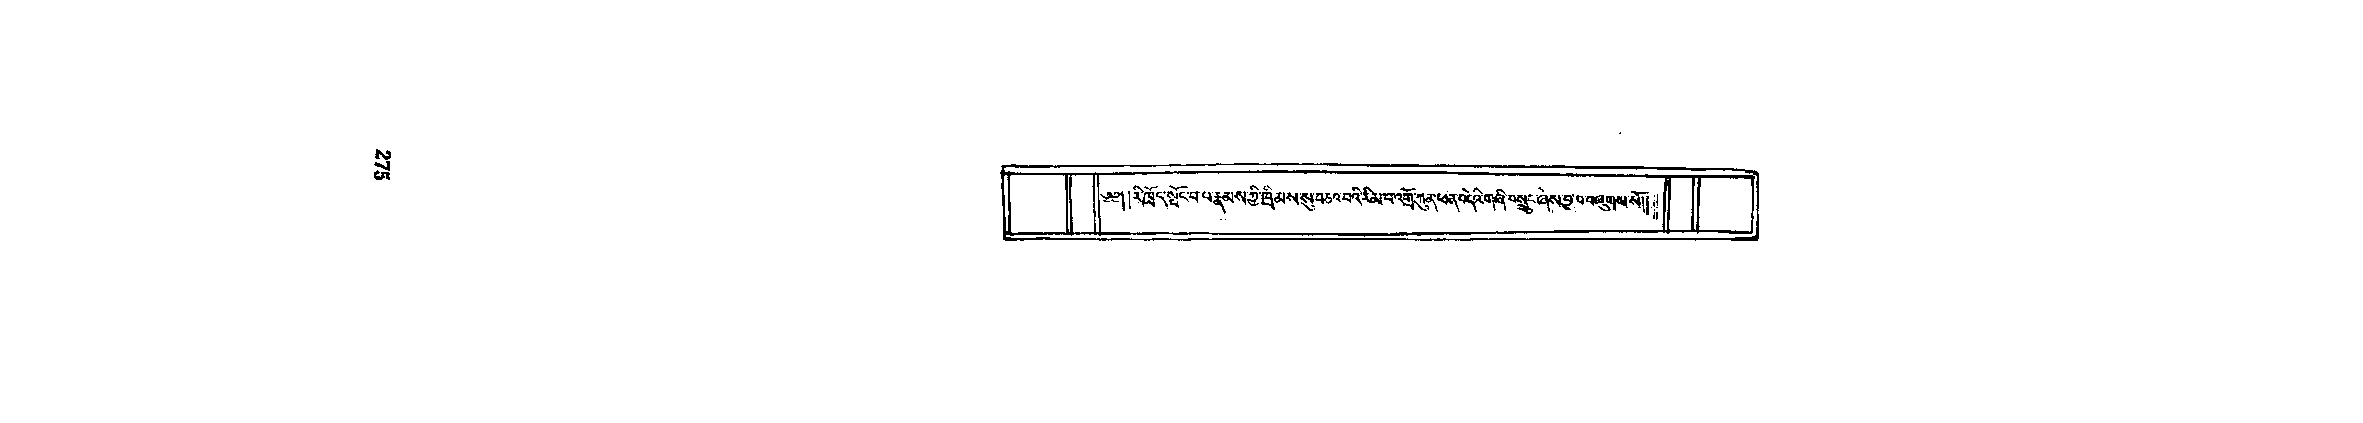༄༅། །རི་ཁྲོད་སྤོང་བ་པ་རྣམས་ཀྱི་ཁྲིམས་སུ་བཅའ་བའི་རིམ་པ་འགྲོ་ཀུན་ཕན་བདེའི་གཞི་བསྲུང་ཞེས་བྱ་བ་བཞུགས་སོ། །